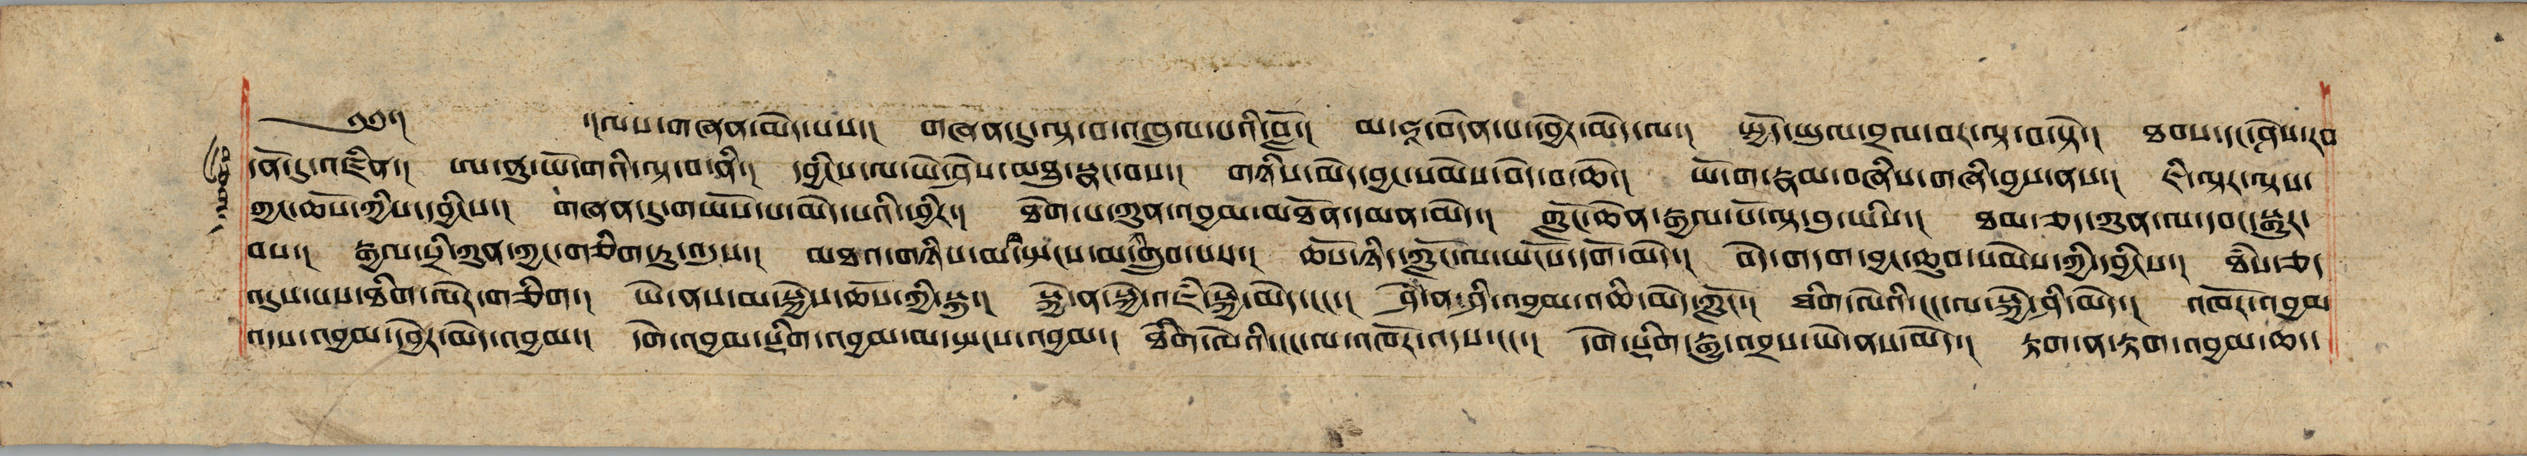༄༅་། ་།ལས་གཞན་མེད་པས་། གཞན་དུ་ལྟ་བ་འཁྲུལ་པའི་བློ་། མ་ཧཱ་བདེན་པ་དབྱེར་མེད་ལ་། སྤྱོད་ཡུལ་བྲལ་བར་ལྟ་བ་སྟེ་། ཐབས་དང་ཤེས་རབ་
དོན་དུ་འཛིན་། ཨ་ནུ་ཡོ་གའི་ལྟ་བ་ནི་། དབྱིངས་ལ་ཡེ་ཤེས་མཐུ་སྣང་བས་། གཉིས་མེད་བྱང་སེམས་བདེ་བ་ཆེ་། ཡོ་ག་རྣམ་བཞིས་གཞི་བྱས་ནས་། ཇི་ལྟར་ལྟས་
ཀྱང་ཆོས་ཀྱིས་དབྱིངས་། གཞན་དུ་གཡོས་པ་མེད་པའི་ཕྱིར་། ཐེག་པ་ཀུན་འབྱམ་མཐོན་དམན་མེད་། ཀློང་ཆེན་རྒྱལ་པོ་ལྟ་བུ་ཡིས་། ཐམས་ཅད་ཀུན་ལ་དབང་སྒྱུར་
བས་། རྒྱལ་སྲི་ཀུན་ཀྱང་གཅིག་ཏུ་འདུས་། མཐའ་གཉིས་མ་སྤངས་མ་གྲུབ་པས་། ཆོས་ཉིད་ཀློང་ལས་ཡོངས་དོག་མེད་། བདེ་གདག་བྱང་ཆུབ་སེམས་ཀྱི་དབྱིངས་། ཐཾས་ཅད
འདུས་པས་ཐིག་ལེར་གཅིག་། ཡེ་ནས་མ་སྐྱེས་ཆོས་ཀྱི་སྐུ་། སྐྱེ་ན་སྐྱེ་འཇཾ་སྐྱེ་མེད་ངང་། ཤེ་ན་ཤི་འབྱམ་འཆི་མེད་ཀློང་། ཐིག་ལེའི་ངང་ལ་སྐྱེ་ཤི་མེད་། འཁོར་འབྱམ
འདས་འབྱམ་དབྱེར་མེད་འབྱམ་། དགེ་འབྱམ་སྡིག་འབྱམ་མ་སྤངས་འབྱམ་། ཐིག་ལེའི་ངང་ལ་འཁོར་འདས་ངང་། དགེ་སྡིག་རྒྱུ་འབྲས་ཡེ་ནས་མེད་། རྟག་ན་རྟག་འབྱམ་ཆད་